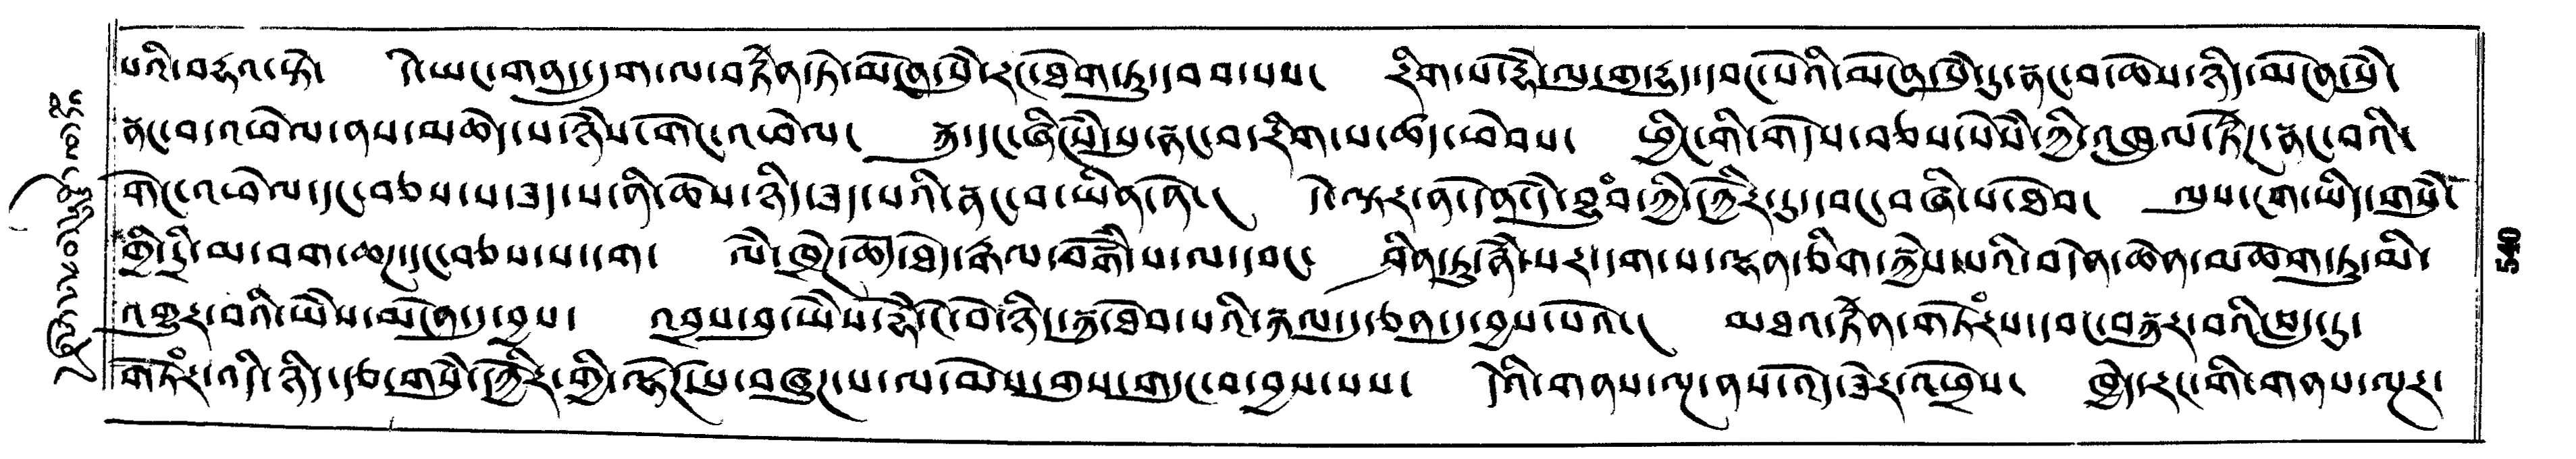པའི་བརྡ་སྟེ། དེ་ཡང་གནད་དྲུག་ལ་བརྟེན་ཏེ་མངོན་སུམ་རང་ཐོག་ཏུ་དབབ་པས། རིག་པ་རྡོ་རྗེ་ལུ་གུ་རྒྱུད་དབང་པོའི་མངོན་སུམ་དུ་སྣང་བ་ཆོས་ཉིད་མངོན་སུམ། 
སྣང་བ་འཕེལ་ནས་མཆེད་པ་ཉམས་གོང་འཕེལ། སྐུ་དང་ཞིང་ཁམས་སུ་སྣང་བ་རིག་པ་ཚད་ཕེབས། ཕྱི་ནང་གི་གདོས་བཅས། སེམས་ཀྱི་འཁྲུལ་རྟོག་སྣང་བའི་
གོང་འཕེལ་དང་བཅས་པ་ཟད་པ་ནི་ཆོས་ཉིད་ཟད་པའི་སྣང་བ་ཡིན་ནོ།། དེ་ལྟར་ན་དོན་དམ་བྱང་ཆུབ་ཀྱི་དཀྱིལ་འཁོར་དུ་དབང་བཞི་པ་ཐོབ། ལུས་ངག་ཡིད་གསུམ་
གྱི་དྲི་མ་བག་ཆགས་དང་བཅས་པ་དག ལམ་ཁྲེགས་ཆོད་ཐོད་རྒལ་བསྒོམ་པ་ལ་དབང་། ཤིན་ཏུ་རྣམ་པར་དག་པ་ལྷན་ཅིག་སྐྱེས་པའི་བདེ་ཆེན་མཆོག་ཏུ་མི་
འགྱུར་བའི་ཡེ་ཤེས་མངོན་དུ་བྱས། འབྲས་བུ་ཡེ་ཤེས་རྡོ་རྗེ་ངོ་བོ་ཉིད་སྐུ་ཐོབ་པའི་སྐལ་བ་ཅན་དུ་བྱས་པའོ།། མཐའ་རྟེན་གཏོར་མས་དབང་བསྐུར་བའི་སླད་དུ་
གཏོར་མ་འདི་ཉིད་རྩ་གསུམ་དཀྱིལ་འཁོར་གྱི་ལྷ་ཚོགས་སུ་བཞུགས་པ་ལ་མོས་གུས་གདུང་བ་བྱས་པས། དེའི་གནས་ལྔ་ནས་འོད་ཟེར་འཕྲོས། ཁྱེད་རང་གི་གནས་ལྔར་